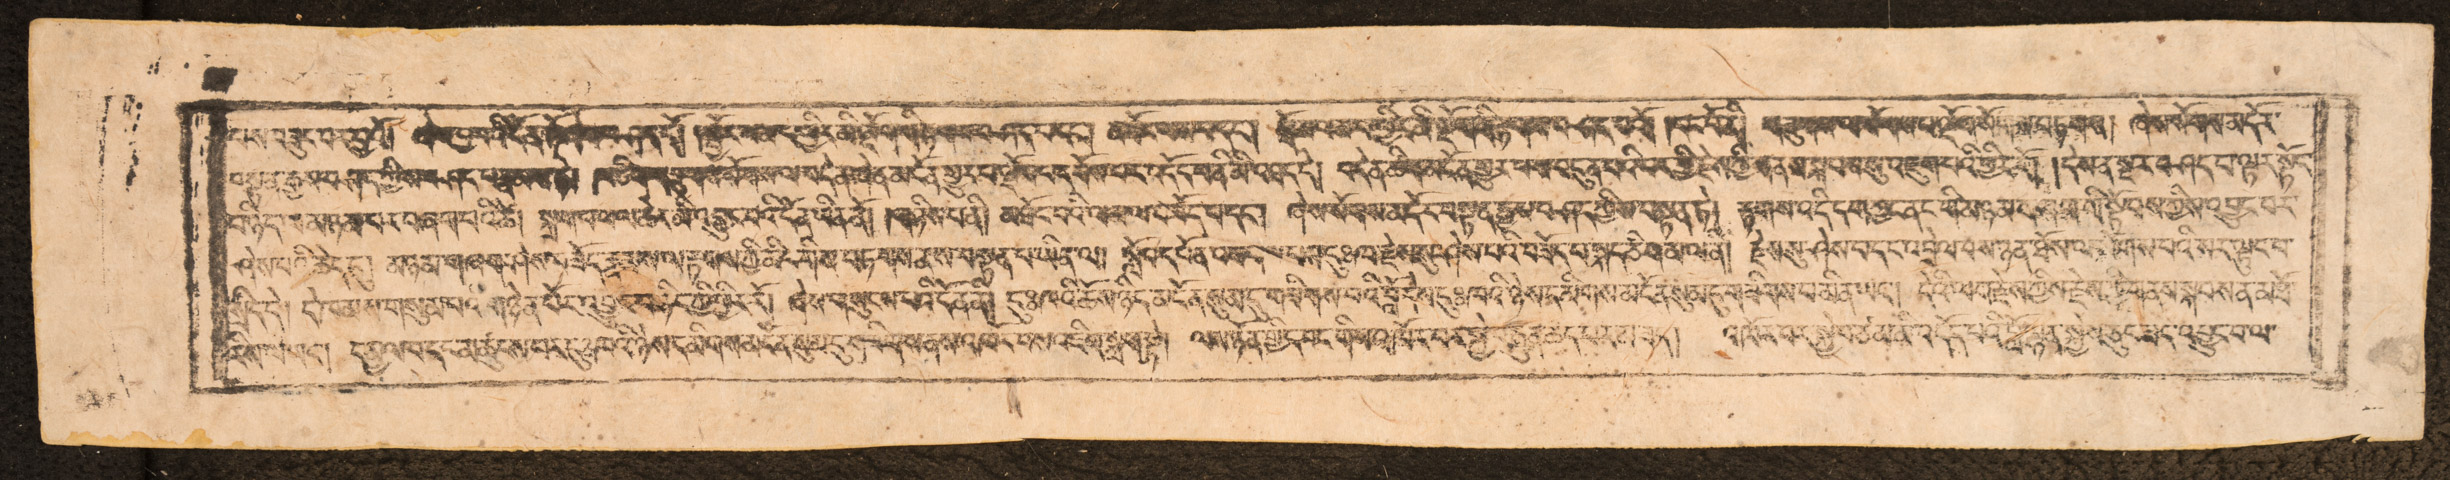པས་བཟུང་བར་བྱའོ། ཞེས་བྱ་བའི་དོན་ཏོ་ཞེས་བཤད་དོ། །སྦྱོར་ལམ་པ་ཕྱིར་མི་ལྡོག་གི་རྟགས་བཤད་པ་དང་། མཐོང་ལམ་པ་དང་། སྒོམ་ལམ་པ་ཕྱིར་མི་ལྡོག་གི་རྟགས་བཤད་པའོ། །དང་པོ་ནི། གཟུགས་ལ་སོགས་པ་ལྡོག་སོགས་བཏགས། ཞེས་སོགས་མདོར་
བསྟན་རྒྱས་བཤད་ཀྱིས་བཤད་པ་རྣམས་ཏེ། ཁ་ཅིག་གཟུགས་སོགས་ལ་བདེན་ཞེན་མངོན་གྱུར་པ་ལྡོག་པ་དགོས་པར་འདོད་པ་ནི་མི་འཐད་དེ། བདེན་ཚིག་མངོན་གྱུར་པ་ས་བདུན་པའི་བར་གྱི་རྗེས་ཀྱི་གནས་སྐབས་སུ་འཇུག་པའི་ཕྱིར་རོ། །དེས་ན་སྔར་བཤད་པ་ལྟར་སྟོང་
པ་ཉིད་ལ་མཉམ་པར་བཞག་པའི་ཚེ། སྐྲག་པ་ཕལ་ཆེར་མི་འབྱུང་བའི་དོན་ཡིན་ནོ། །གཉིས་པ་ནི། མཐོང་བའི་ལམ་ལ་བཟོད་པ་དང་། ཞེས་སོགས་མདོར་བསྟན་རྒྱས་བཤད་ཀྱིས་བསྟན་ཏེ། རྟགས་འདི་དག་ཀྱང་ནང་གི་མཉམ་གཞག་གི་སྟོབས་ཀྱིས་འབྱུང་བར་
ཤེས་པའི་ཆེད་དུ། མཉམ་གཞག་ཤེས་བཟོད་རྣམས་ལ་རྟགས་ཀྱི་མིང་གིས་བཏགས་ནས་བསྟན་པ་ཡིན་ལ། སློབ་དཔོན་འཕགས་པས་དུཿ ཁ་རྗེས་སུ་ཤེས་པའི་བཟོད་པ་སྐད་ཅིག་མ་ལ་ནི། རྗེས་སུ་ཤེས་པ་དང་འབྲེལ་བས་ཉན་ཐོས་ལ་སོགས་པའི་སར་ལྟུང་བ་
སྲིད་དེ། དེ་ཁམས་གསུམ་པའི་གཉེན་པོར་འབྱུང་བ་ཉིད་ཀྱི་ཕྱིར་རོ། ཞེས་གསུངས་པའི་དོན་ནི། དུཿ ཁའི་ཆོས་ཉིད་མངོན་སུམ་དུ་གཟིགས་པའི་བློ་དེས་དུཿ ཁའི་ཉེས་དམིགས་མངོན་སུམ་དུ་གཟིགས་པ་མིན་ཡང་། དེའི་ལག་རྗེས་ཀྱིས་རྗེས་ཀྱི་གནས་སྐབས་ན་མཐོ་
རིས་ལ་ཡང་། དམྱལ་བ་དང་མཚུངས་པར་དུཿ ཁའི་ཉེས་དམིགས་མངོན་སུམ་དུ་གཟིགས་ནས་འཁོར་བས་འཇིག་སྐྲག་སྟེ། ལས་ཉོན་གྱི་དབང་གིས་འཁོར་བར་སྐྱེ་བ་རྒྱུན་ཆད་པར་མ་ཟད། འཁོར་བར་སྐྱེ་བ་ཙམ་མི་འདོད་པའི་བློ་ལྷན་སྐྱེས་ཅུང་ཟད་འབྱུང་བ་ལ་